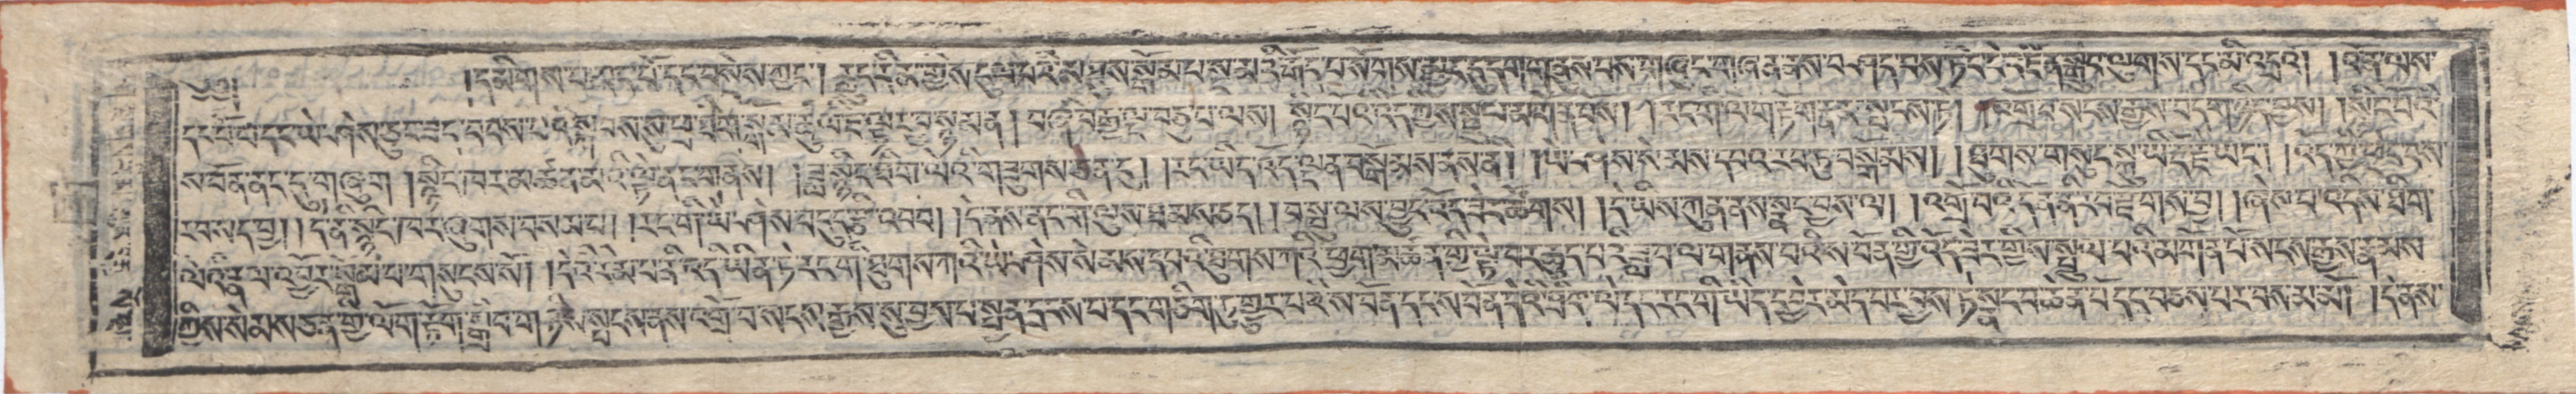༄༅། །དམིགས་པ་མང་པོ་དང་བསྲེས་ཀྱང་། རླུང་རིམ་གྱིས་དུལ་པའི་མཐུས་སྒོམ་པ་སྔ་མའི་རྒོད་པ་སོགས་མྱུར་དུ་དགག་ནུས་པས་གཞུང་གཞན་ནས་བཤད་པས་ཏིང་ངེ་འཛིན་སྒྲུབ་ལུགས་དང་མི་འདྲའོ། །འོ་ན་ལས་
དང་པོ་བ་དང་ཡེ་ཤེས་ཅུང་ཟད་བབས་པའི་སྐབས་སུ་ཕྲ་ཐིག་སྒོམ་ཚུལ་ཇི་ལྟར་བྱ་སྙམ་ན། བཞི་བརྒྱ་ལྔ་བཅུ་པ་ལས། སྙིང་པོའི་འོད་ཀྱིས་སྤྲུལ་མགོན་པོས། །རང་གི་ལོག་རྟོག་རྣམ་སྤངས་ཏེ། །འགྲོ་བ་སངས་རྒྱས་བདག་ཉིད་བྱས། །སྙིང་པོའི་
ས་བོན་ནང་དུ་གཞུག །སྙིང་ཁར་མཚན་མའི་ལྟེ་ནང་གནས། །ཟླ་སྙིང་ཐིག་ལེའི་གཟུགས་ཅན་དུ། །རང་ཡིད་འོད་ལྡན་བསྒོམས་ནས་ནི། །ཡེ་ཤེས་སེམས་དཔའ་རབ་ཏུ་བསྒོམས། །ཐུགས་གསུང་སྐུ་ཡི་རྡོ་རྗེ་ཡང་། །འོད་ཀྱི་ཕྲེང་བས་
རབ་སད་བྱ། །དེ་ནི་སྙིང་ཁར་ཞུགས་བསམ་པ། །རང་གི་ཡེ་ཤེས་བདུད་རྩི་འབབ། །དེ་ནས་ནང་གི་ལུས་ཐམས་ཅད། །བ་སྤུ་ལས་བྱུང་འོད་ཟེར་ཚོགས། །དེ་ཡིས་ཀུན་ནས་སྣང་བྱས་ལ། །འགྲོ་བའི་དོན་ནི་རབ་རྫོགས་བྱ། །ཞེས་པ་འདིས་ཐིག་
ལེའི་རྣལ་འབྱོར་སྒོམ་པ་གསུངས་སོ། །དེའི་རིམ་པ་ནི་འདི་ཡིན་ཏེ་རང་གི་ཐུགས་ཀའི་ཡེ་ཤེས་སེམས་དཔའི་ཐུགས་ཀའི་ཕྱག་མཚན་གྱི་ལྟེ་བར་ཆུད་པའི་ཟླ་བ་ལ་གནས་པའི་ས་བོན་གྱི་འོད་ཟེར་གྱིས་སྤྲུལ་པའི་མགོན་པོ་སངས་རྒྱས་རྣམས་
ཀྱིས་སེམས་ཅན་གྱི་ལོག་རྟོག་སྒྲིབ་གཉིས་སྤངས་ནས་འགྲོ་བ་སངས་རྒྱས་སུ་བྱས་པ་སྤྱན་དྲངས་པ་དང་གཅིག་ཏུ་གྱུར་པའི་ས་བོན་དང་ས་བོན་དེའི་ཐིག་ལེ་དང་རང་གི་ཡིད་དབྱེར་མེད་པར་བྱས་ཏེ་སྣང་བ་ཆེན་པོ་དང་བཅས་པར་བསམ་མོ། །དེ་ནས་